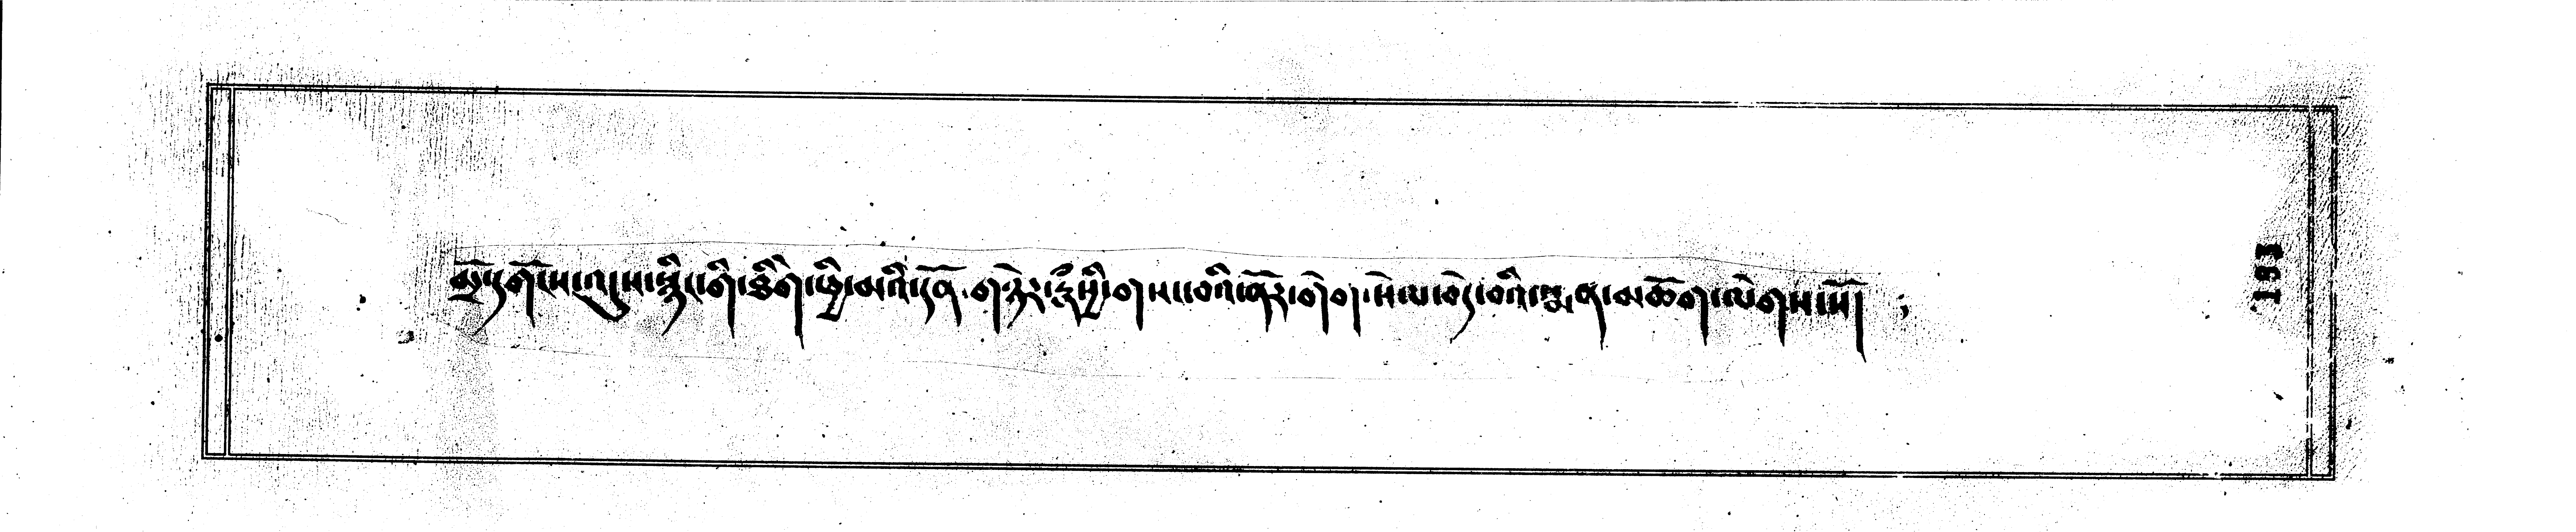མཁའ་འགྲོ་དགོངས་འདུས་སྙིང་གི་ཐིག་ལེ་ཕྱི་མའི་དོན་གཉེར་རྣམས་ཀྱི་གསང་བའི་ནོར་གེག་སེལ་བདེ་བའི་སྨན་མཆོག་ལེགས་སོ། །